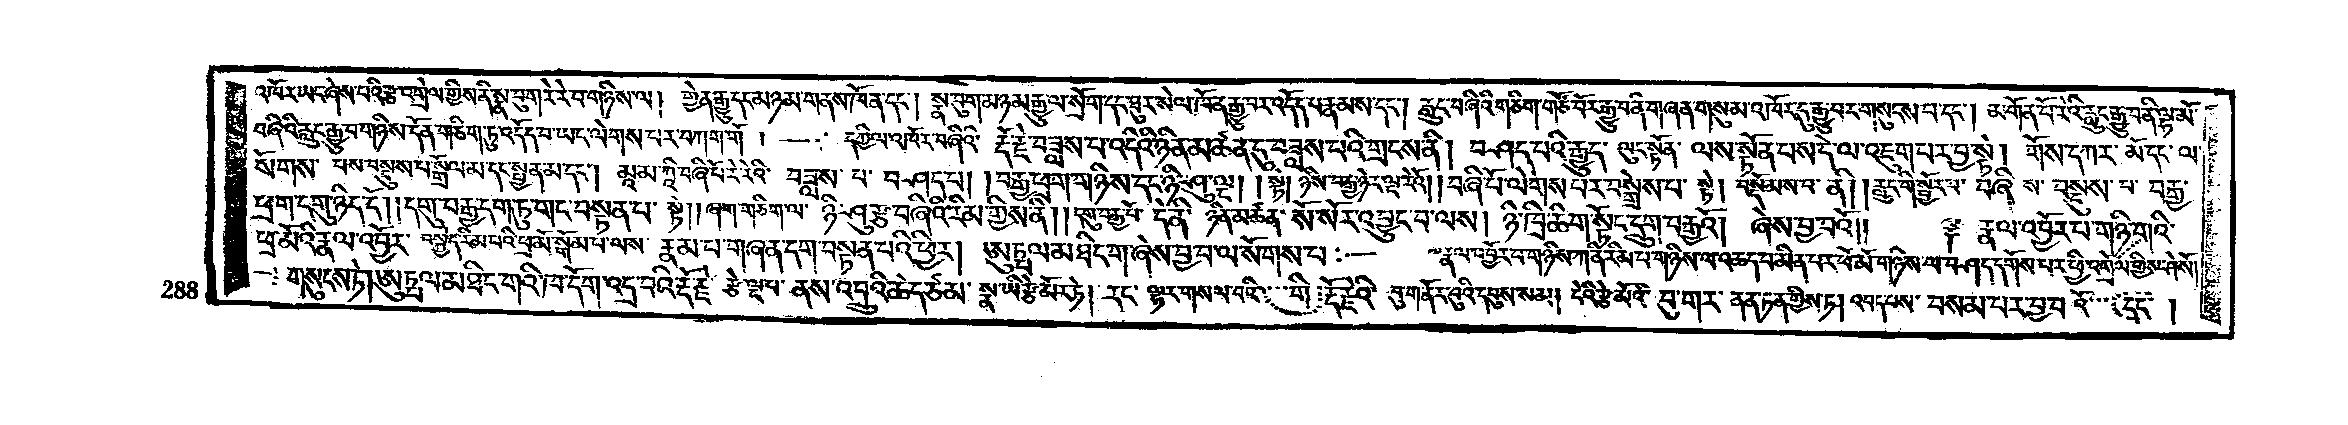འཁོར་ཡང་ཞེས་པའི་རྩ་འགྲེལ་གྱིས་ནི་སྣ་བུག་རེ་རེ་བ་གཉིས་ལ། གྱེན་རྒྱུ་དང་མཉམ་གནས་ཁོ་ན་དང་། སྣ་བུག་མཉམ་རྒྱུ་ལ་སྲོག་དང་ཐུར་སེལ་ཁོ་ན་རྒྱུ་བར་འདོད་པ་རྣམས་དང་། རླུང་བཞིའི་གཅིག་གཙོ་བོར་རྒྱུ་བ་ནི་གཞན་གསུམ་འཁོར་དུ་རྒྱུ་བར་གསུངས་པ་དང་། མགོན་པོ་རེའི་རླུང་རྒྱུ་བ་ནི་ལྷ་མོ་
བཞིའི་རླུང་རྒྱུ་བ་གཉིས་དོན་གཅིག་ཏུ་འདོད་པ་ཡང་ལེགས་པར་བཀག་གོ །.H དཀྱིལ་འཁོར་བཞིའི་རྡོ་རྗེ་བཟླས་པ་འདིའི་ཉིན་མཚན་དུ་བཟླས་པའི་གྲངས་ནི། བཤད་པའི་རྒྱུད་ལུང་སྟོན་ལས་སྟོན་པས་དེ་ལ་འཇུག་པར་བྱ་སྟེ། གོས་དཀར་མོ་དང་ལ་
སོགས་པས་བསྡུས་པ་སྒྲོལ་མ་དང་སྤྱན་མ་དང་། མཱ་མ་ཀཱི་བཞི་པོ་རེ་རེའི་བཟླས་པ་བཤད་པ། །བརྒྱ་ཕྲག་གཉིས་དང་ཉི་ཤུ་ལྔ། ། སྟེ། ཉིས་བརྒྱ་ཉེར་ལྔ་རེའོ། །བཞི་པོ་ལེགས་པར་བསྒྲེས་པ་སྟེ། བསྡོམས་པ་ནི། ། རླུང་གི་སྦྱོར་བ་བཞི་ས་བསྡུས་པ་བརྒྱ་
ཕྲག་དགུ་ཉིད་དོ། །དགུ་བརྒྱ་དག་ཏུ་གང་བསྟན་པ་སྟེ། །ཞག་གཅིག་ལ་ཉི་ཤུ་རྩ་བཞིའི་རིམ་གྱིས་ནི། ། དགུ་བརྒྱ་པོ་དེ་ནི་ཉིན་མཚན་སོ་སོར་འབྱུང་བ་ལས། ཉི་ཁྲི་ཆིག་སྟོང་དྲུག་བརྒྱའོ། ཞེས་བྱ་བའོ།། ༈ རྣལ་འབྱོར་པ་གཉི་གའི་
ཕྲ་མོའི་རྣལ་འབྱོར་བསྐྱེད་རིམ་པའི་ཕྲ་མོ་སྒོམ་པ་ལས་རྣམ་པ་གཞན་དག་བསྟན་པའི་ཕྱིར། ཨུཏྤལ་མཐིང་ག་ཞེས་བྱ་བ་ལ་སོགས་པ་H.་༧རྣལ་འབྱོར་པ་གཉིས་ཀ་ནི་རིམ་པ་གཉིས་ལ་འཆད་པ་མིན་པར་ཕོ་མོ་གཉིས་ལ་བཤད་དགོས་པར་ཕྱི་འགྲེལ་གྱིས་ཤེས་སོ།།
.H གསུངས་ཏེ། ཨུཏྤལ་མཐིང་གའི་ཁ་དོག་འདྲ་བའི་རྡོ་རྗེ་རྩེ་ལྔ་པ་ནས་འབྲུའི་ཆེད་ཙམ་སྣ་ཡི་རྩེ་མོར་ཏེ། རང་ལྷར་གསལ་བའི་གི་རྡོ་རྗེའི་བུ་གནོར་བུའི་དབུས་སམ། དེའི་རྩེ་མོའི་བུ་གར་ནན་ཏན་གྱིས་ཏ། འབད་པས་བསམ་པར་བྱ་བའོ་དང་།